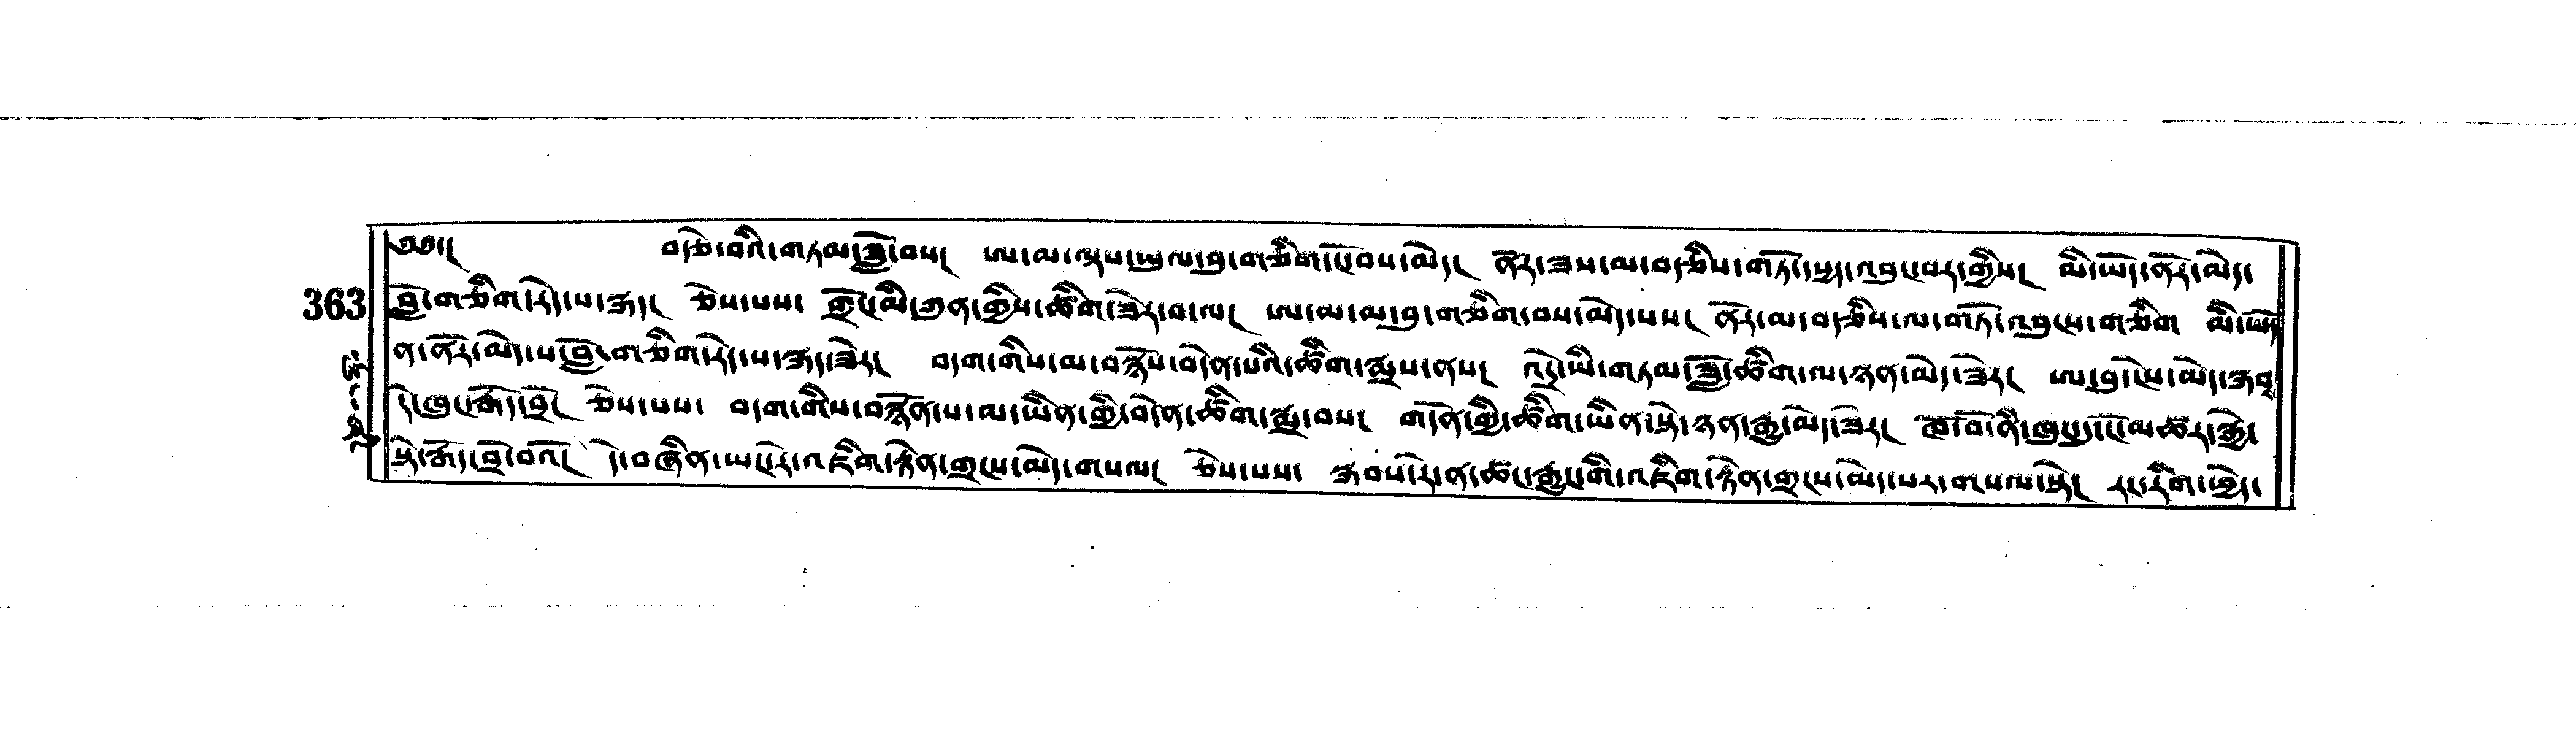བརྩེ་བའི་གཏམ་བཟློ་བས། ཨ་མ་བལྟས་ཡུལ་བུ་གཅིག་ངོ་བས་མེད། ནོར་ཟས་མ་བརྩིས་གཏོ་དཔྱད་འབུངས་པར་གྱིས། མི་ཡོད་ནོར་མེད་
བློ་གཅིག་རེད་པ་སྐད། ཅེས་པས། གྲོང་མི་ཀུན་གྱིས་ཚིག་ཟེར་བ་ལ། ཨ་མ་མ་བུ་གཅིག་བས་མེད་པས། ནོར་མ་བརྩིས་ལ་གཏོ་འབུངས་ཅིག མི་ཡོད་
ན་ནོར་མེད་པ་བློ་གཅིག་རེད་པ་སྐད་ཟེར། བདག་གིས་མ་སྨྱོས་བདེན་པའི་ཚིག་སྨྲས་ནས། འདྲེ་ཡི་གཏམ་ཟློ་ཚིག་ལ་ཉན་མེད་ཟེར། ཨ་བུ་ངེས་མེད་སྐབས་
རེ་ཁོང་རྒོད་བྲོ། ཅེས་པས། བདག་གིས་སྨྱོན་པ་མ་ཡིན་ཞེས་བདེན་ཚིག་སྨྲས་པས། གདོན་གྱི་ཚིག་ཡིན་པས་ཉན་རྒྱུ་མེད་ཟེར། ཁོ་བོ་ནི་ཁུངས་དུ་ངོ་མཚར་སྐྱེས་
ཏེ་རྒོད་བྲོ་བའོ། དེ་བཞིན་ཡང་རེ་འཇིག་རྟེན་གྲངས་མེད་གསལ། ཅེས་པས། སྐབས་རེ་ན་ཚང་རྒྱུང་གི་འཇིག་རྟེན་གྲངས་མེད་པར་གསལ་ཏེ། རང་རིག་ཕྱེད་སང་